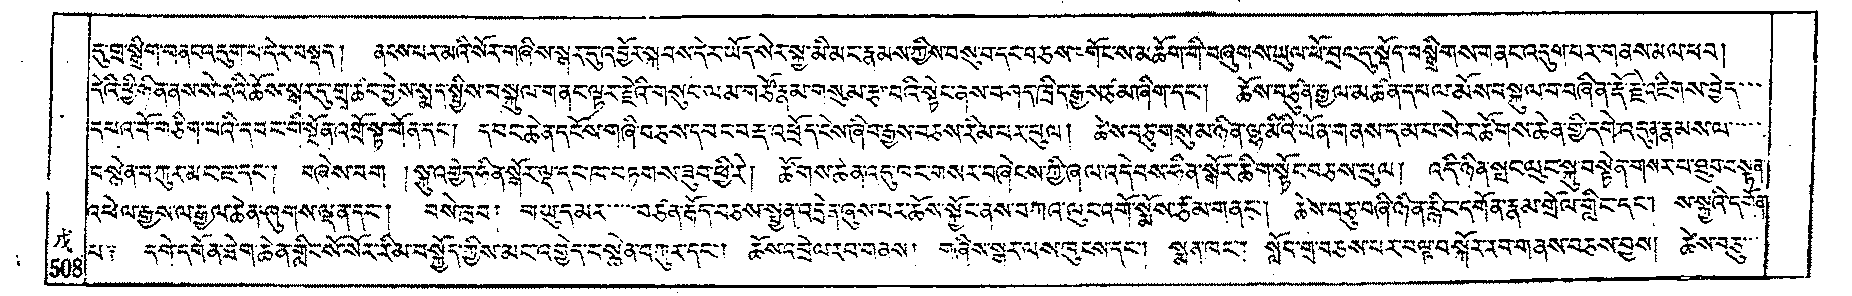དུ་གྲ་སྒྲིག་གནང་འདུག་པ་དེར་བསྡད། ནངས་པར་མའི་སོར་གཞིས་སྒར་དུ་འབྱོར་སྐབས་དེར་ཡོད་སེར་སྐྱ་མི་མང་རྣམས་ཀྱིས་བསུ་བ་དང་བཅས་༧གོང་ས་མཆོག་གི་བཞུགས་ཡུལ་ཕོ་བྲང་དུ་སྡོད་བསྒྲིགས་གནང་འདུག་པར་གནས་མལ་ཕབ།
དེའི་ཕྱི་ཉིན་ནས་སེ་རའི་ཆོས་སྒར་དུ་གྲྭ་ཚང་བྱེས་སྨད་སྤྱིས་བསྐུལ་གནང་ལྟར་རྗེའི་གསུང་ལམ་གཙོ་རྣམ་གསུམ་རྩ་བའི་སྟེང་ནས་བཤད་ཁྲིད་རྒྱས་ཙམ་ཞིག་དང་། ཆོས་བཙུན་རྒྱལ་མཚན་དཔལ་མོས་བསྐུལ་བ་བཞིན་རྡོ་རྗེ་འཇིགས་བྱེད་
དཔའ་བོ་གཅིག་པའི་དབང་གི་སྔོན་འགྲོ་སྟ་གོན་དང་། དབང་ཆེན་དངོས་གཞི་བཅས་དབང་བརྡ་འཕྲོད་ངེས་ཞིབ་རྒྱས་བཅས་རིམ་པར་ཕུལ། ཚེས་བཅུ་གསུམ་ཉིན་ལྷ་མིའི་ཡོན་གནས་དམ་པ་སེ་ར་ཚོགས་ཆེན་གྱི་དགེ་འདུན་རྣམས་ལ་
བསྙེན་བཀུར་མང་ཇ་དང་། བཞེས་བག །སྐུ་འགྱེད་ཧིན་སྒོར་ལྔ་དང་ཁ་བཏགས་ཟུབ་ཕྱི་རེ། ཚོགས་ཆེན་འདུ་ཁང་གསར་བཞེངས་ཀྱི་ཞལ་འདེབས་ཧིན་སྒོར་ཆིག་སྟོང་བཅས་ཕུལ། འདི་ཉིན་སྤང་ལུང་སྐུ་བསྟེན་གསར་པ་ཐུབ་བསྟན་
འཕེལ་རྒྱས་ལ་རྒྱལ་ཆེན་ཤུགས་ལྡན་དང་། བསེ་ཁྲབ། གཡུ་དམར་བཙན་རྒོད་བཅས་སྤྱན་འདྲེན་ཞུས་པར་ཆོས་སྐྱོང་ནས་བཀའ་ལུང་འགོ་སྨོས་ཙམ་གནང་། ཚེས་བཅུ་བཞི་ཉིན་རྙིང་དགོན་རྣམ་གྲོལ་གླིང་དང་། ས་སྐྱའི་དགོན་
པ༑ དགེ་དགོན་ཐེག་ཆེན་གླིང་སོ་སོར་རིམ་བསྐྱོད་ཀྱིས་མང་འགྱེད་བསྙེན་བཀུར་དང་། ཆོས་འབྲེལ་རབ་གནས། གཞིས་སྒར་ལས་ཁུངས་དང་། སྨན་ཁང་། སློབ་གྲ་བཅས་པར་བལྟ་བསྐོར་རབ་གནས་བཅས་བྱས། ཚེས་བཅུ་